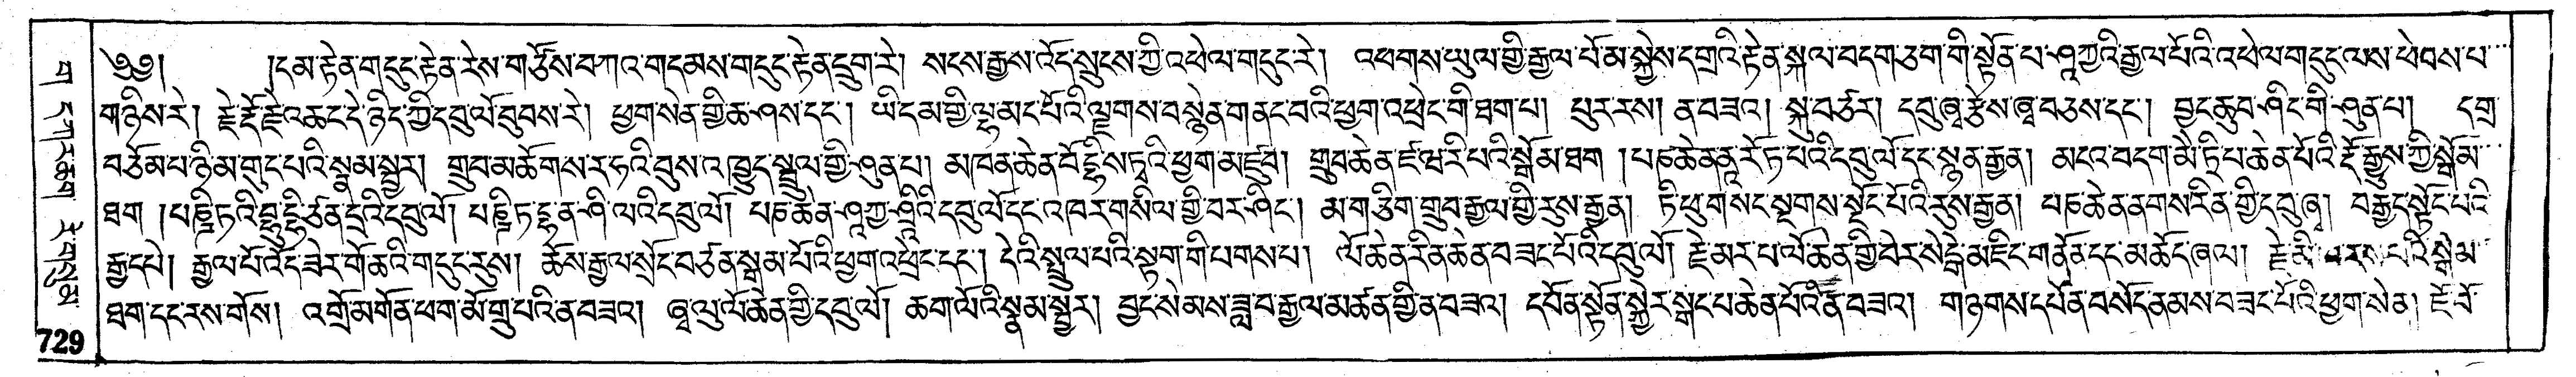༄༅། །དམ་རྟེན་གདུང་རྟེན་རེས་གཙོས་བཀའ་གདམས་གདུང་རྟེན་དྲུག་རེ། སངས་རྒྱས་འོད་སྲུངས་ཀྱི་འཕེལ་གདུང་རེ། འཕགས་ཡུལ་གྱི་རྒྱལ་པོ་མ་སྐྱེས་དགྲའི་རྟེན་སྐལ་བདག་ཅན་གི་སྟོན་པ་ཤཱཀྱའི་རྒྱལ་པོའི་འཕེལ་གདུང་ལས་ཕེབས་པ་
གཉིས་རེ། རྗེ་རྡོ་རྗེ་འཆང་དེ་ཉིད་ཀྱི་དབུ་ལོ་བུབས་རེ། ཕྱག་སེན་གྱི་ཆ་ཤས་དང་། ཡི་དམ་གྱི་ལྷ་མང་པོའི་ལྗགས་བསྙེན་གནང་བའི་ཕྱག་འཕྲེང་གི་ཐག་པ། པུར་རས། ན་བཟའ། སྐུ་བཙར། དབུ་ཞྭ་རྩེས་ཞྭ་བཅས་དང་། བྱང་ཆུབ་ཤིང་གི་ཤུན་པ། དགྲ་
བཅོམ་པ་ཉི་མ་གུང་པའི་སྣམ་སྦྱར། གྲུབ་མཆོག་སར་ཧའི་པུས་འཁྱུད་སྤྲུལ་གྱི་ཤུན་པ། མཁན་ཆེན་པོ་དྷི་སཏྭའི་ཕྱག་མཛུབ། གྲུབ་ཆེན་ཛ་ཝ་རི་པའི་སྒོམ་ཐག །པཎ་ཆེན་ནཱ་རོ་ཏ་པའི་དབུ་ལོ་དང་སྙན་རྒྱན། མངའ་བདག་མཻ་ཏྲི་པ་ཆེན་པོའི་རྡོ་རྒྱུས་ཀྱི་སྒོམ་
ཐག །པཎྜིཏ་བི་བྷུ་དྷི་ཙན་དྲའི་དབུ་ལོ། པཎྜིཏ་དྷ་ན་ཤི་ལའི་དབུ་ལོ། པཎ་ཆེན་ཤཱཀྱ་ཤྲཱིའི་དབུ་ལོ་དང་འཁར་གསིལ་གྱི་བར་ཤིང་། མ་གཅིག་གྲུབ་རྒྱལ་གྱི་རུས་རྒྱན། ཏི་ཕུ་གསང་སྔགས་སྡོང་པོའི་རུས་རྒྱན། པཎ་ཆེན་ནགས་རིན་གྱི་དབུ་ཞྭ། བརྒྱད་སྟོང་པའི་
རྒྱ་དཔེ། རྒྱལ་པོ་འོད་ཟེར་གོ་ཆའི་གདུང་རུས། ཆོས་རྒྱལ་སྲོང་བཙན་སྒམ་པོའི་ཕྱག་འཕྲེང་དང་། དེའི་སྤྲུལ་པའི་སྟག་གི་པགས་པ། ལོ་ཆེན་རིན་ཆེན་བཟང་པོའི་དབུ་ལོ། རྗེ་མར་པ་ལོ་ཆེན་གྱི་བེར་སེངྒེ་མཇིད་གནོན་དང་མཆོད་ཞལ། རྗེ་མི་ལ་རས་པའི་སྒོམ་
ཐག་དང་རས་གོས། འགྲོ་མགོན་ཕག་མོ་གྲུ་པའི་ན་བཟའ། ཞྭ་ལུ་ལོ་ཆེན་གྱི་དབུ་ལོ། ཆག་ལོའི་སྣམ་སྦྱར། བྱང་སེམས་ཟླ་བ་རྒྱལ་མཚན་གྱི་ན་བཟའ། དཔོན་སྟོན་སྐྱེར་སྒང་པ་ཆེན་པོའི་ན་བཟའ། གཉགས་དཔོན་བསོད་ནམས་བཟང་པོའི་ཕྱག་སེན། ཇོ་བོ་